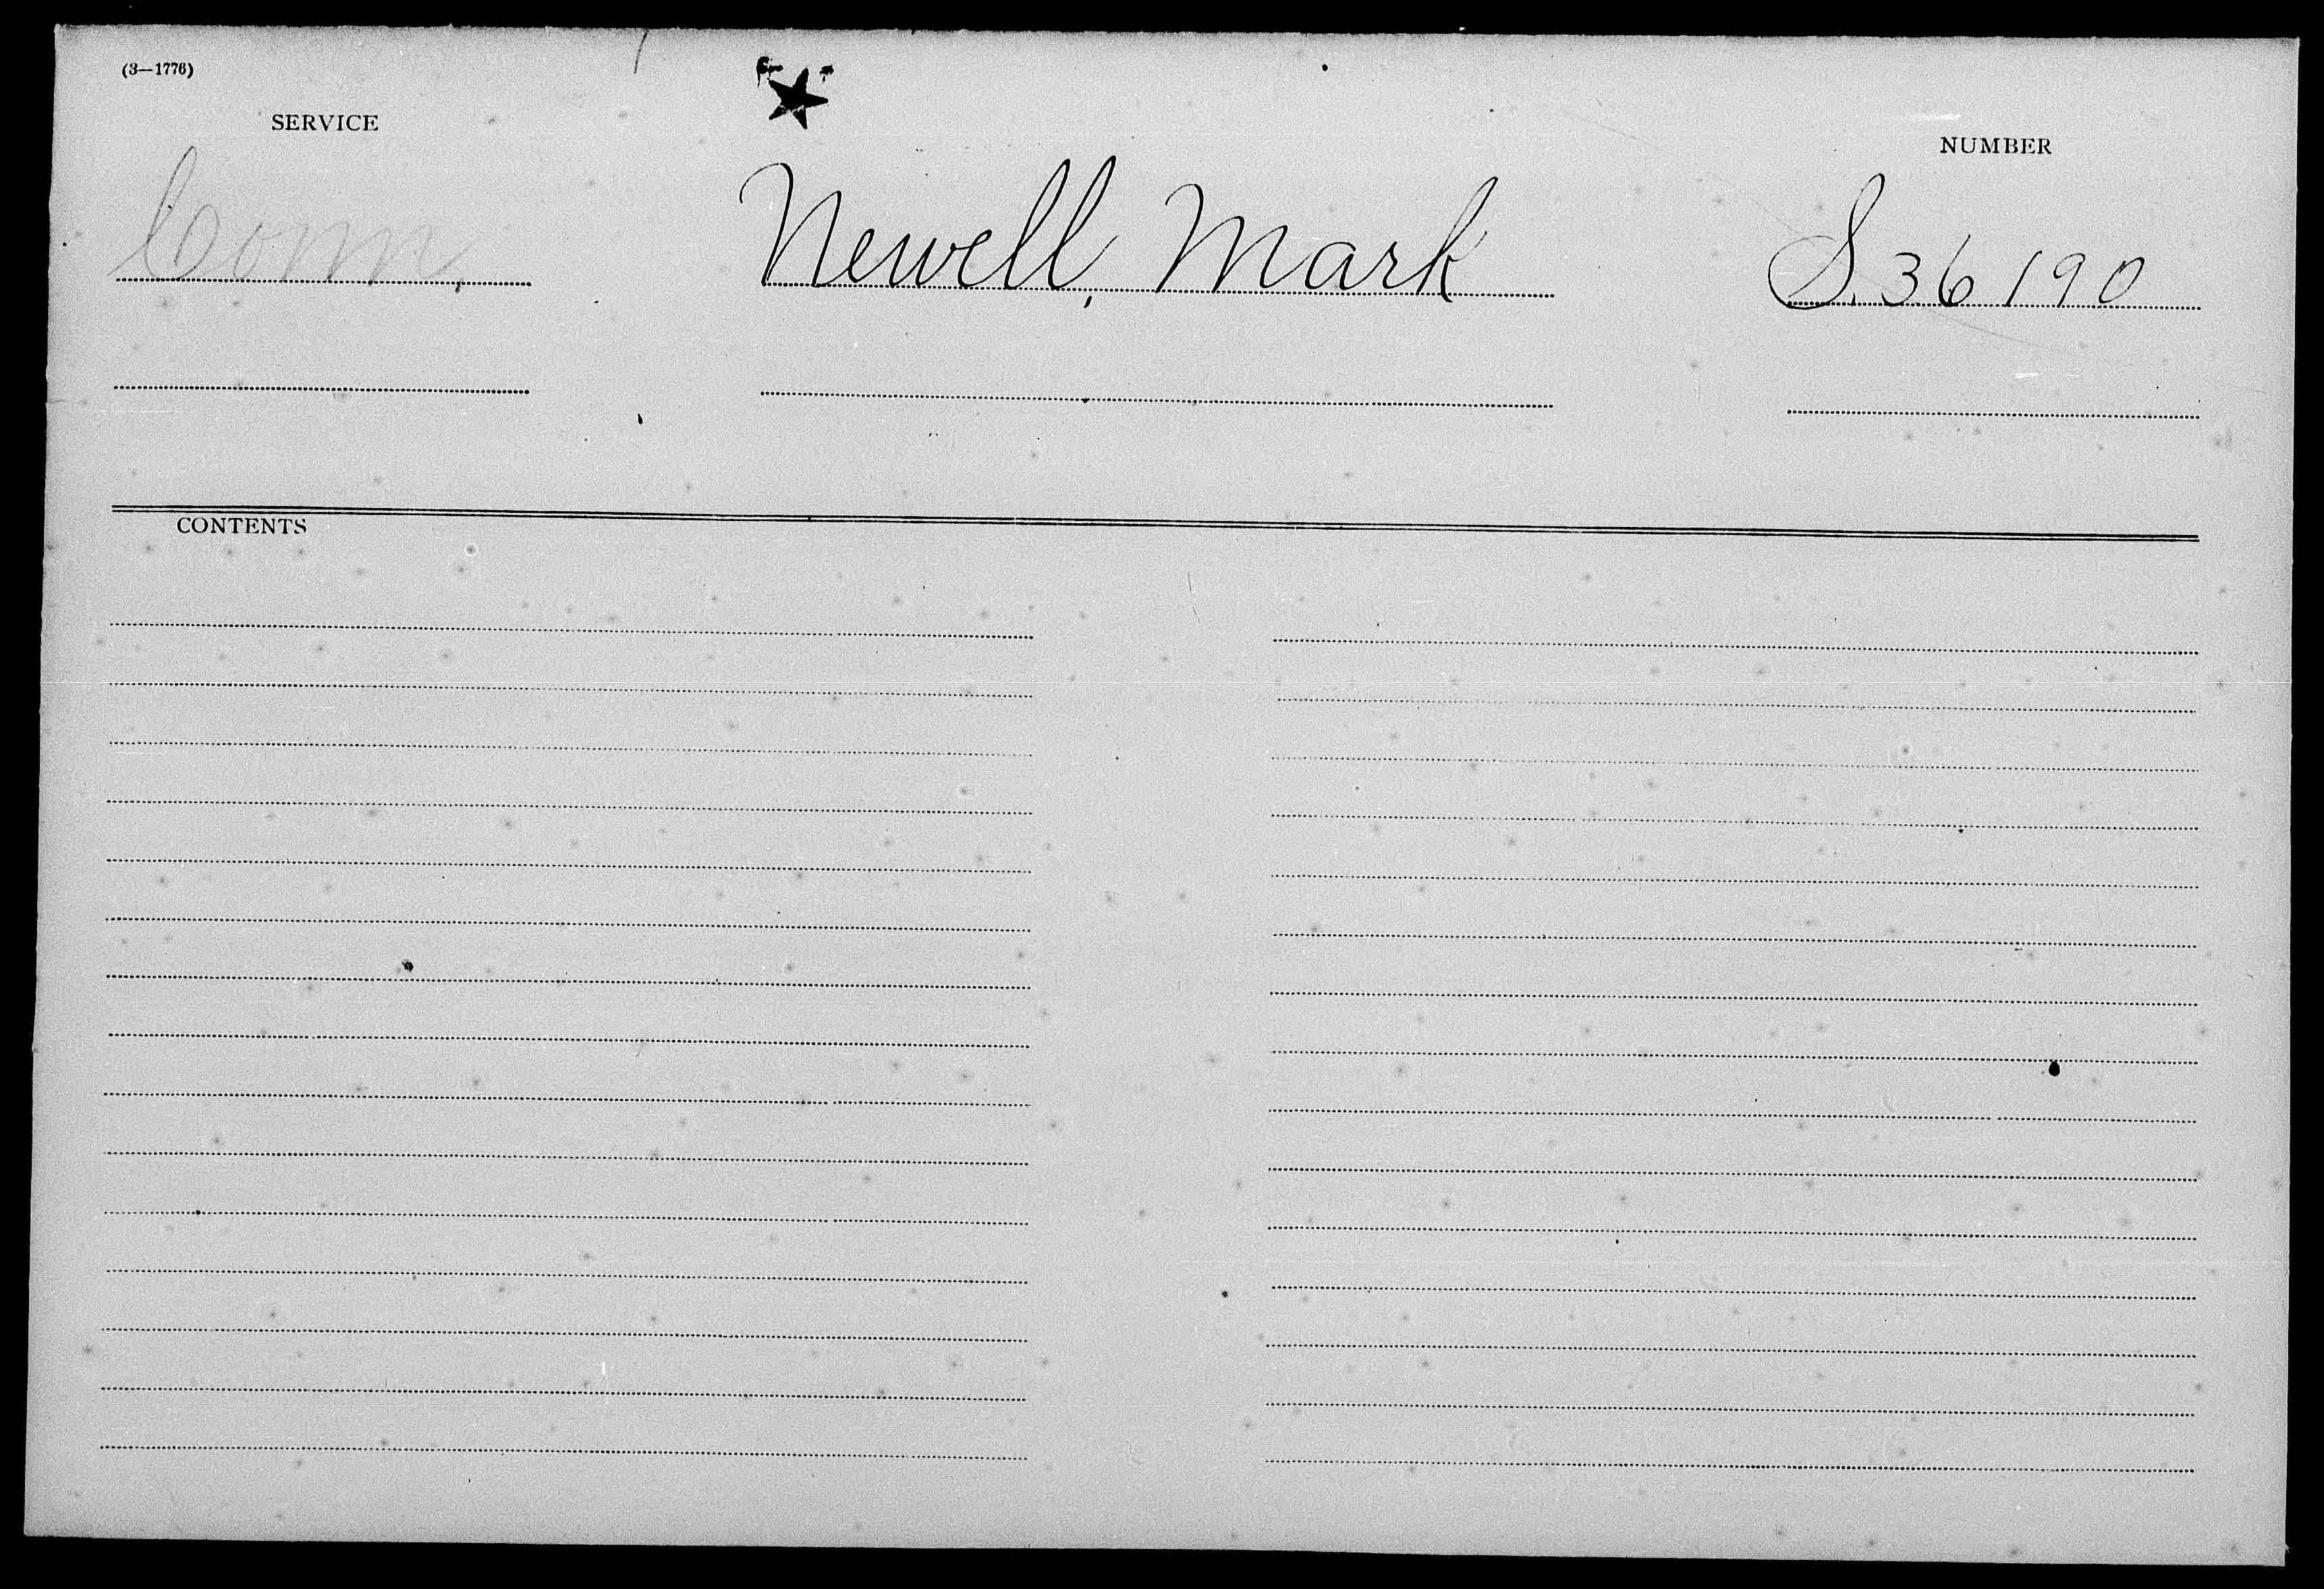[Printed document with handwritten entries]

(3-1776) [Stamped, image of a star]

SERVICE | NUMBER
Conn. | Newell, Mark | S. 36190

CONTENTS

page: 1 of 9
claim: survivor's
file: S. 36190, for Mark Newell, Connecticut